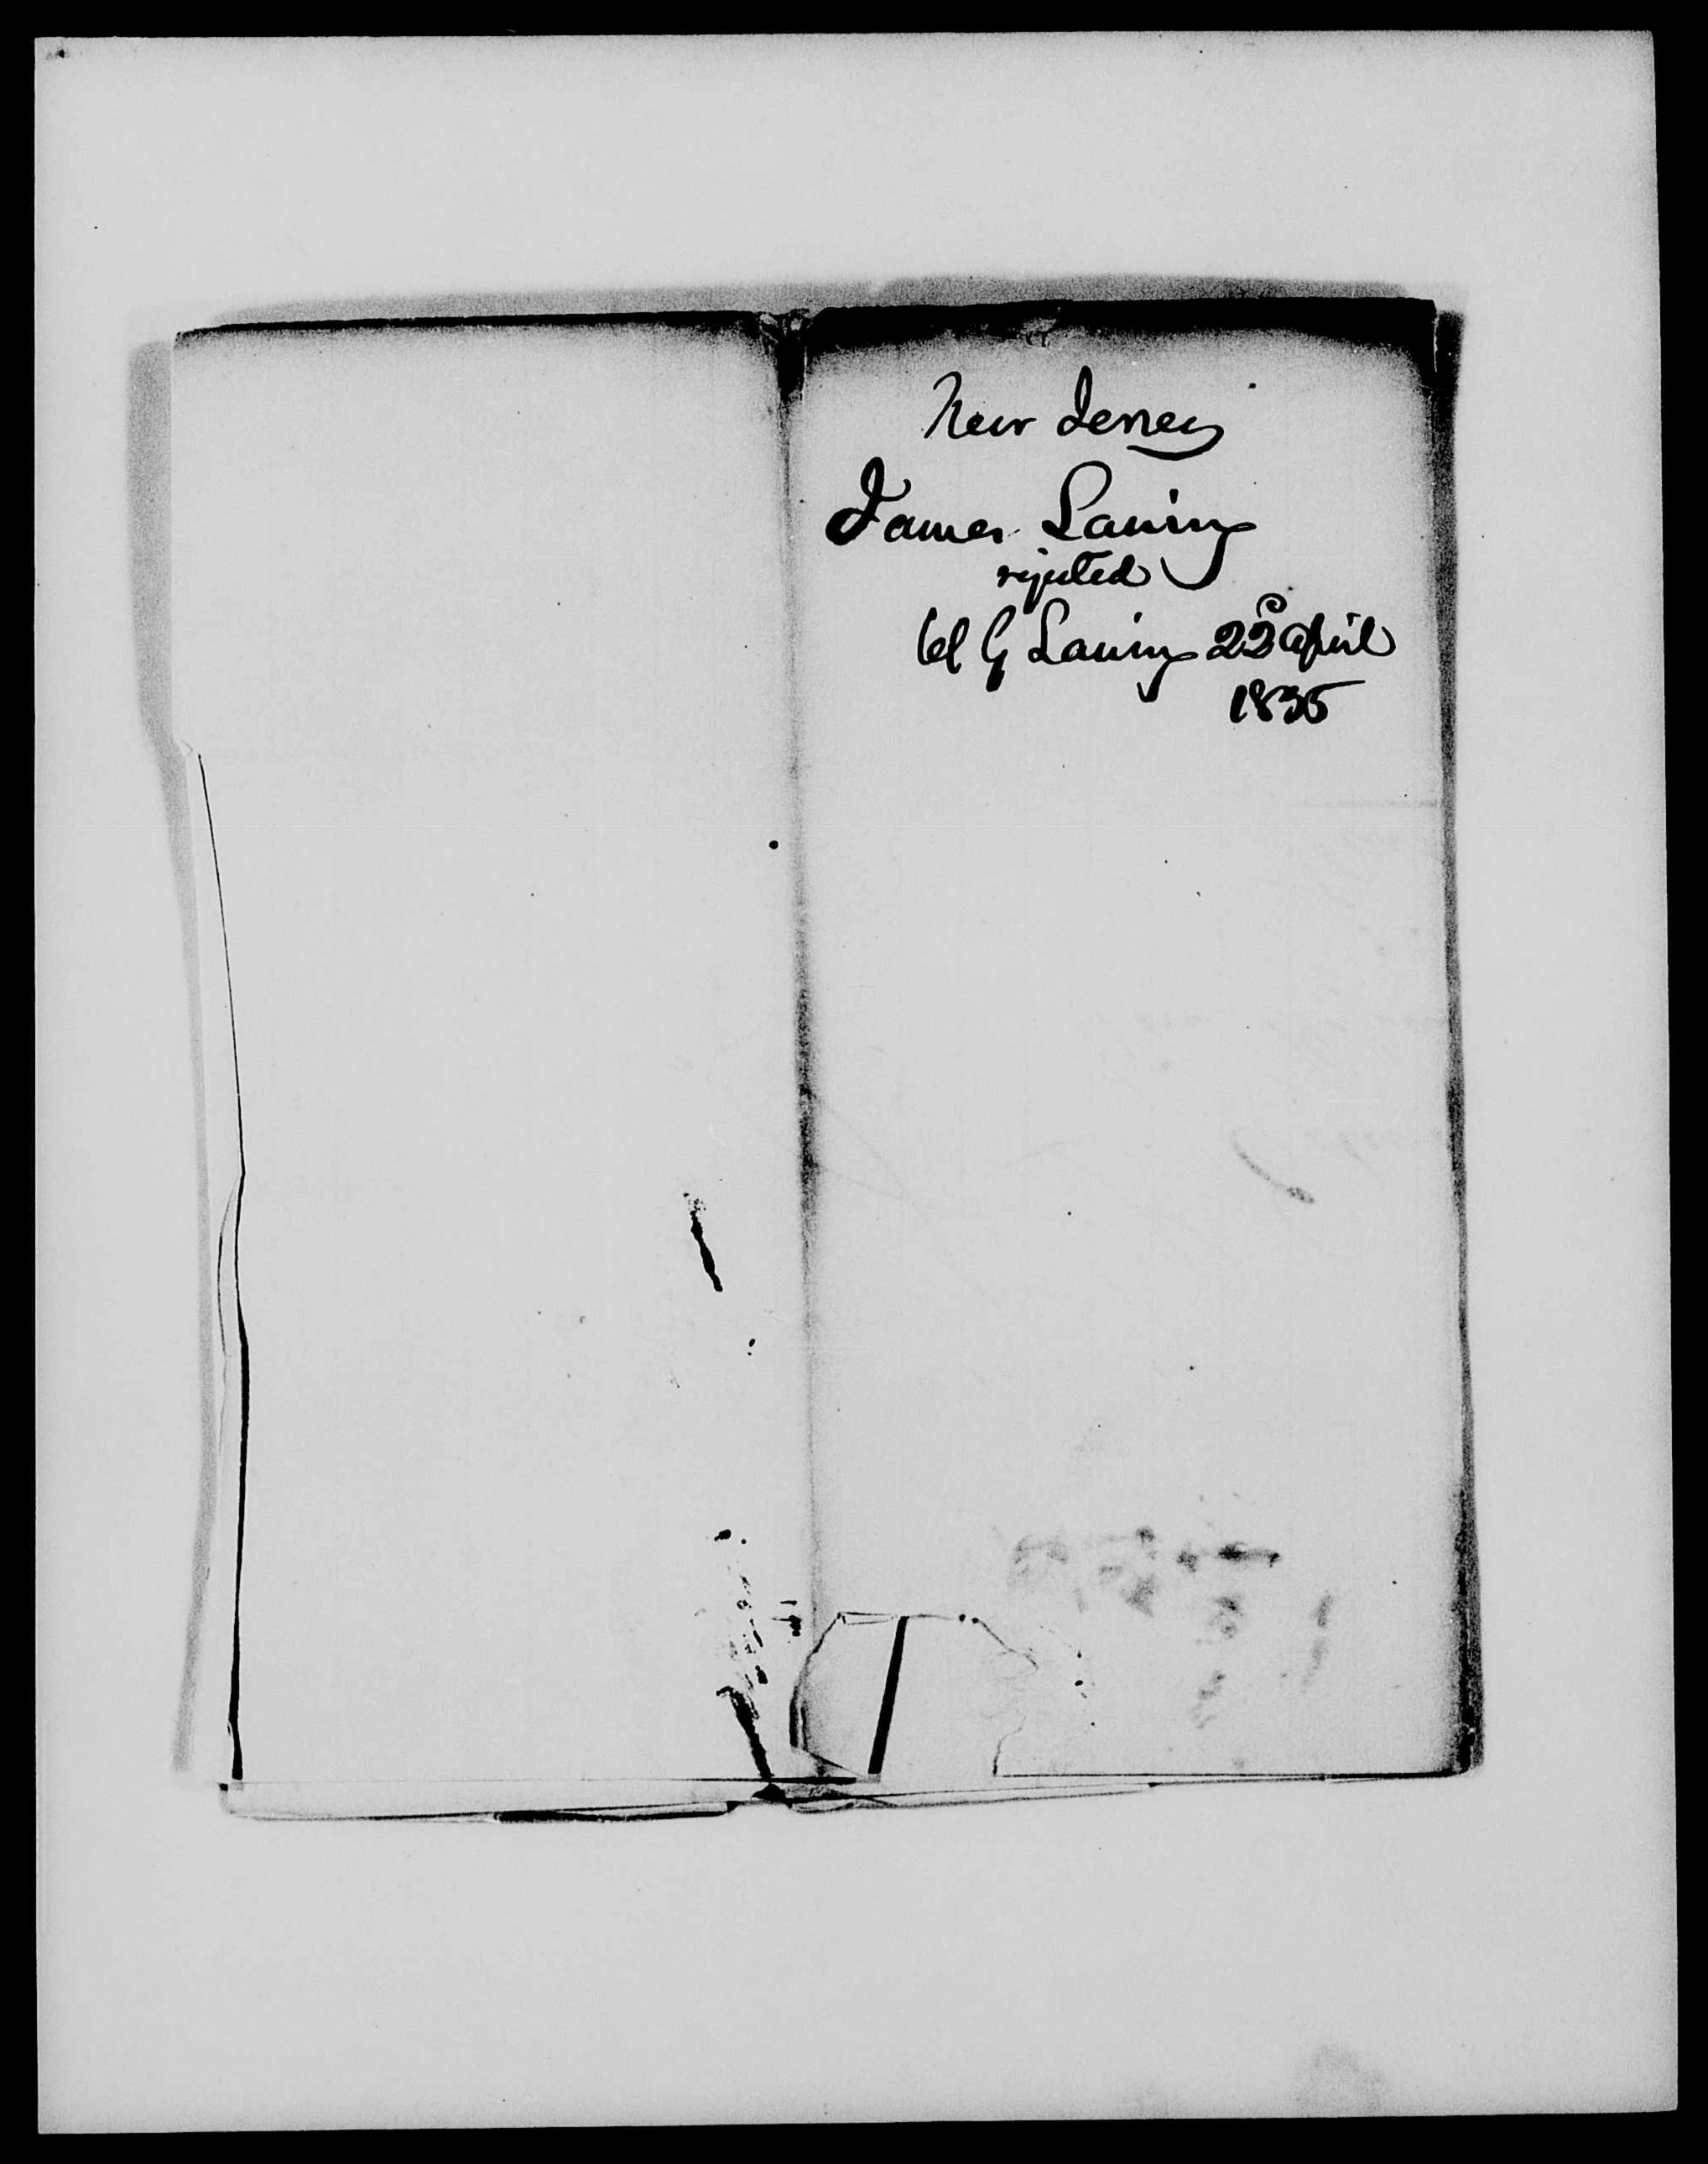New Jersey
James Laning
rejected
let G Laning in 22d April
1835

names: James Laning; G Laning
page: 27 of 39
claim: rejected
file: R. 6154, for James Laning, New Jersey